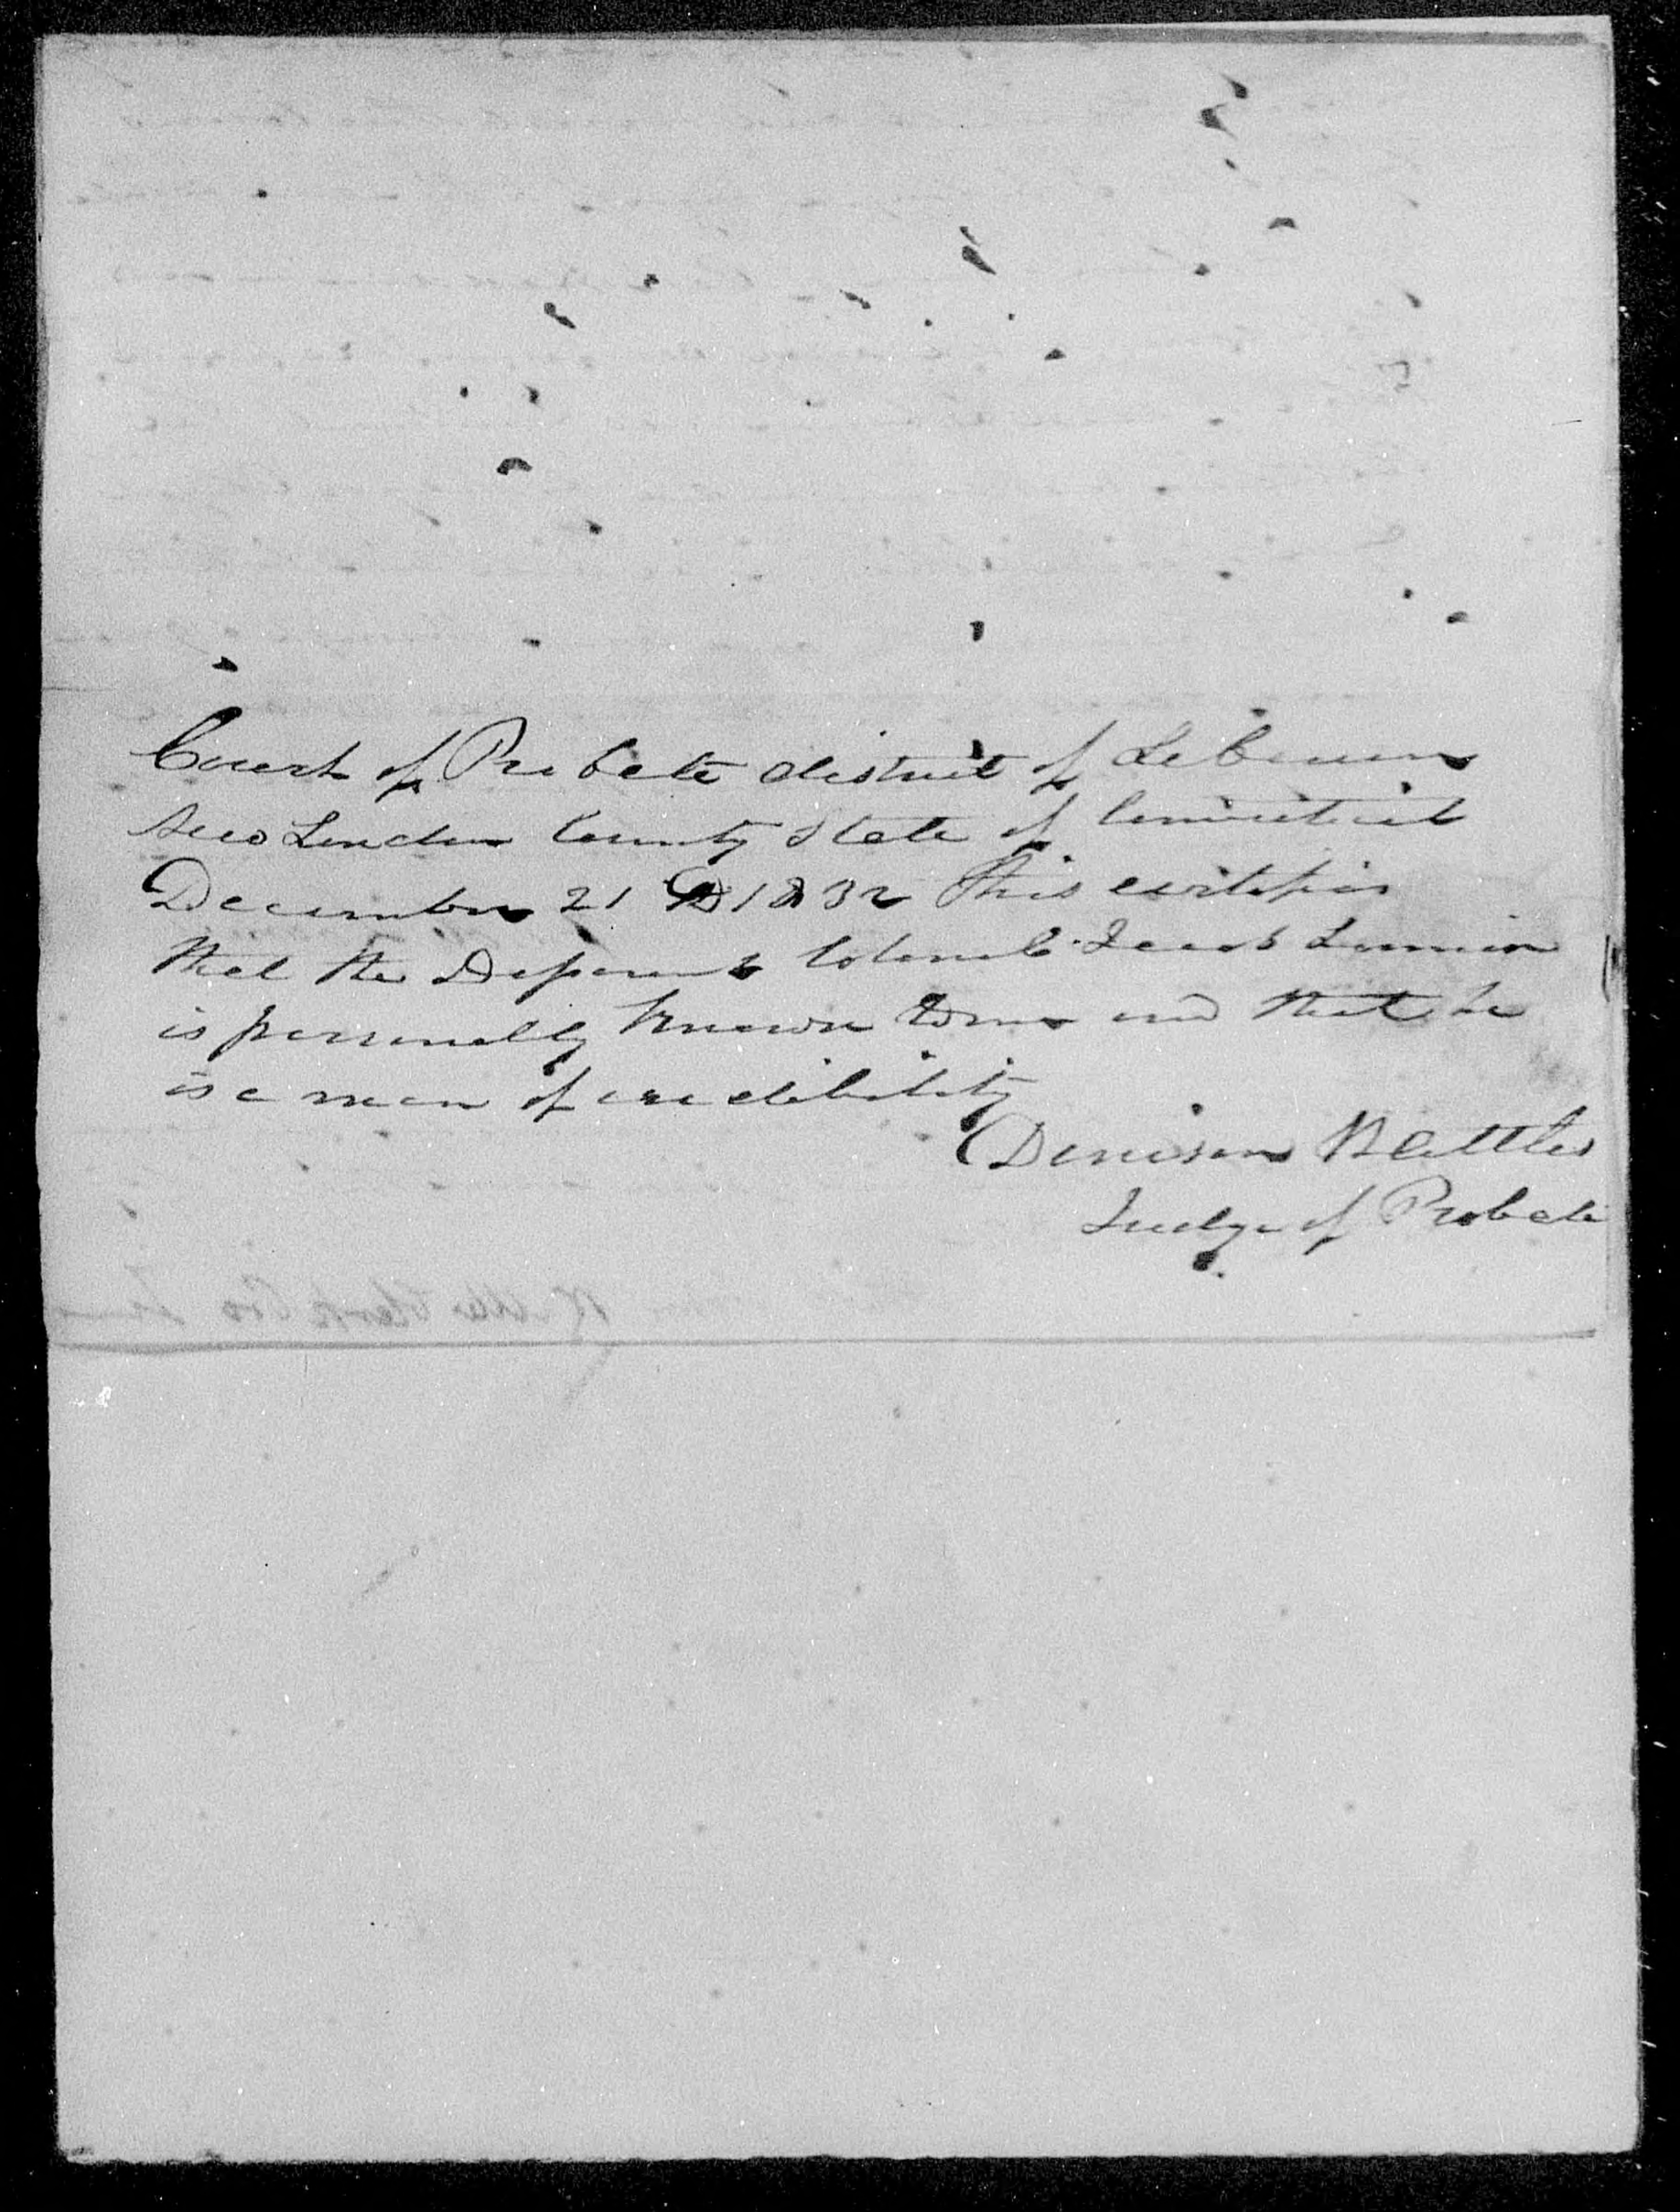Court of Probate district of Lebanon
New London County State of Connecticut
December 21 AD 1832 This certifies that the deponent Colonel Jacob Loomis is personally known to me and that he is a man of credibility.

Denison Wattles
Judge of Probate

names: Denison Wattles, Jacob Loomis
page: 53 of 53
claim: rejected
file: R. 3732, Jesse Fox, Conn.